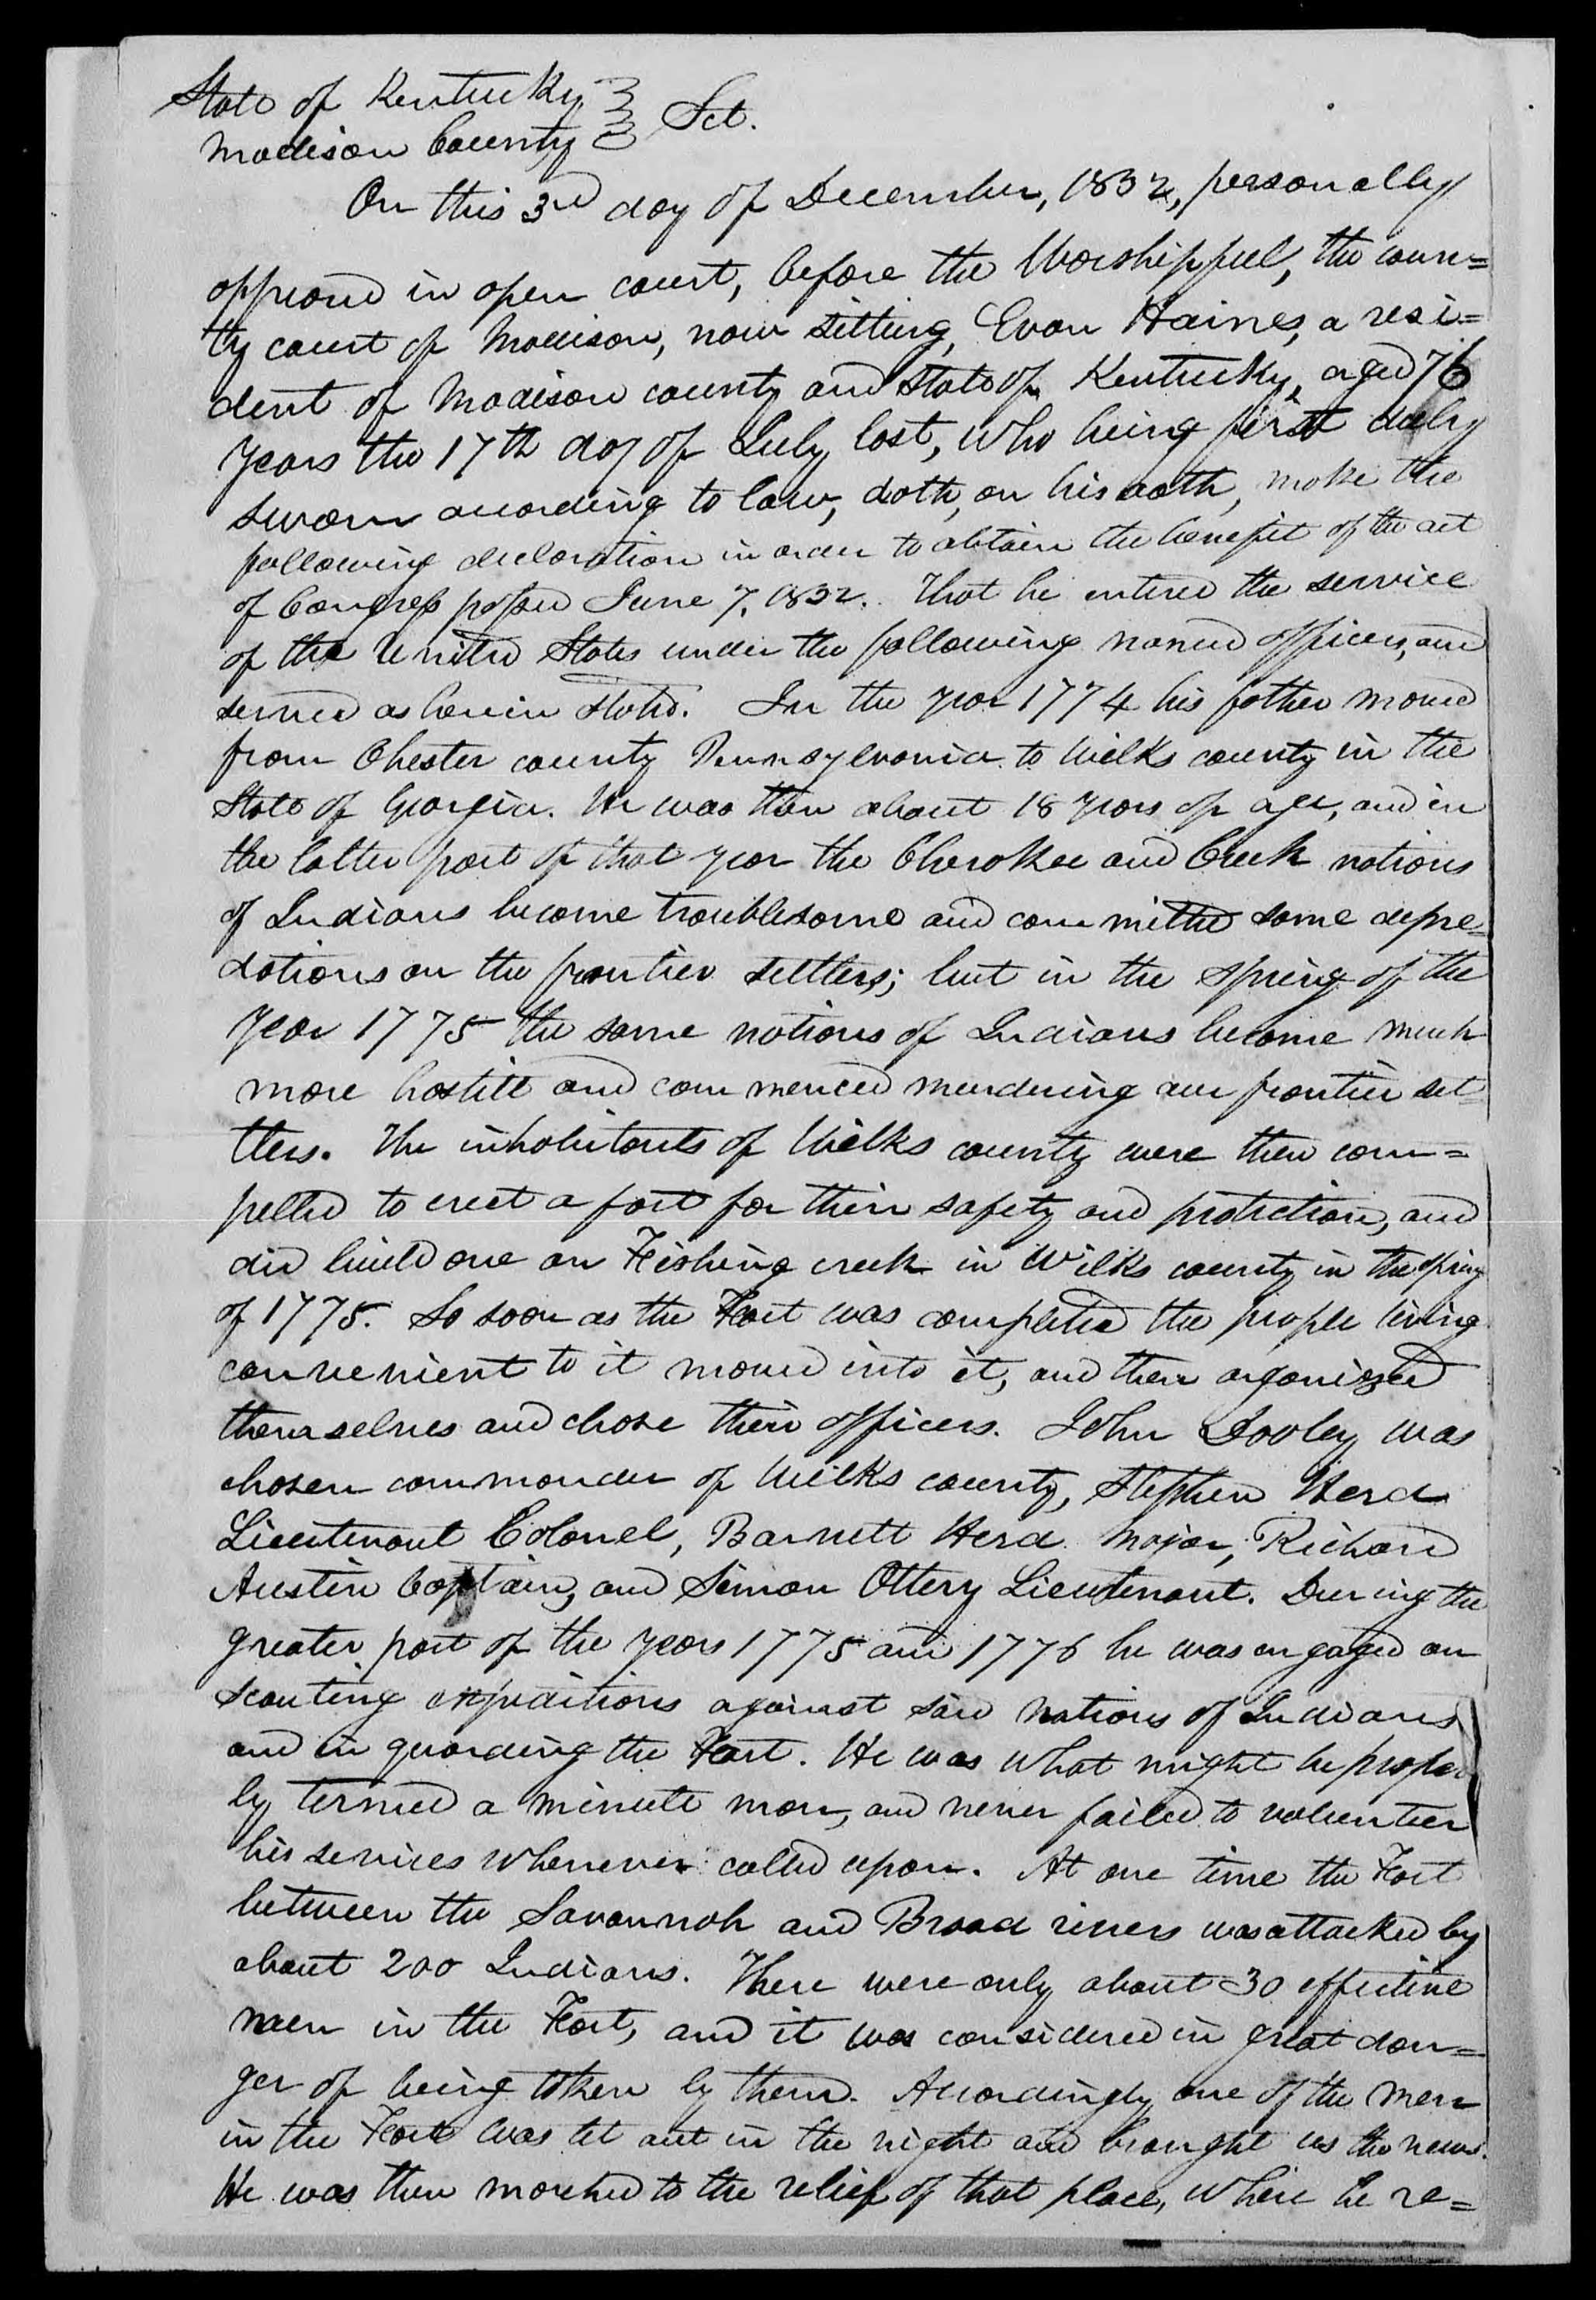State of Kentucky Sct.
Madison County

On their 3rd day of December, 1832, personally appeared in open court, before the Worshipful, the county court of Madison, now sitting, Evan Haines, , a resident of Madison County and state of Kentucky, aged 76 years the 17th day of July last, who being first day sworn in sworn according to law, doth, on his oath, make the following declaration in order to obtain the benefit of the act of Congress         June 7, 1832, that he enters the service of the United States under the following named officers and service as herein        . In the year 1774 his father moved from Chester county Pennsylvania to Wilks County in the State of Georgia. He was then about 18 years of age, and in the latter part of that year the Cherokee and Creek nations of Indians became troublesome and committed some [sp] actions on the frontier settlers, but in the spring of the year 1775, the same nations of Indians became much more hostile and commenced murdering we frontier settlers. The inhabitants of Wilks County were then compelled to erect a fort for their safety and protection and did build one on Fishing Creek in Wilks County in the spring of 1775. So soon as the fort was completed, the people living convenient to it moved into it, and they organized themselves and chose their officers. John Dooley was chosen commander of Wilks County, Stephen Herd Lieutenant Colonel, Barnett Herd Major, Richard Austin, Captain, and Simon Ottery Lieutenant. During the greater part of the years 1775 and 1776, he was engaged on scouting expeditions against said nations of Indians and in guarding the fort. He was what might be proper by termed a minute man, and never failed to volunteer his services whenever called upon. At our time the Fort between the Savannah and Broad rivers was attacked by about 200 Indians. There were only about 30 effective men in the Fort, and it was considered in great danger of being taken by them. Accordingly, one of the men in the Fort was let out in the night and brought us the news. He was then moved to the relief of that place where he re-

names: Barnett Herd, Stephen Herd, John Dooley, Evan Haines, Richard Austin, Simon Ottery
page: 5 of 34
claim: widow's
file: W. 8897, Evan Haines, Ga